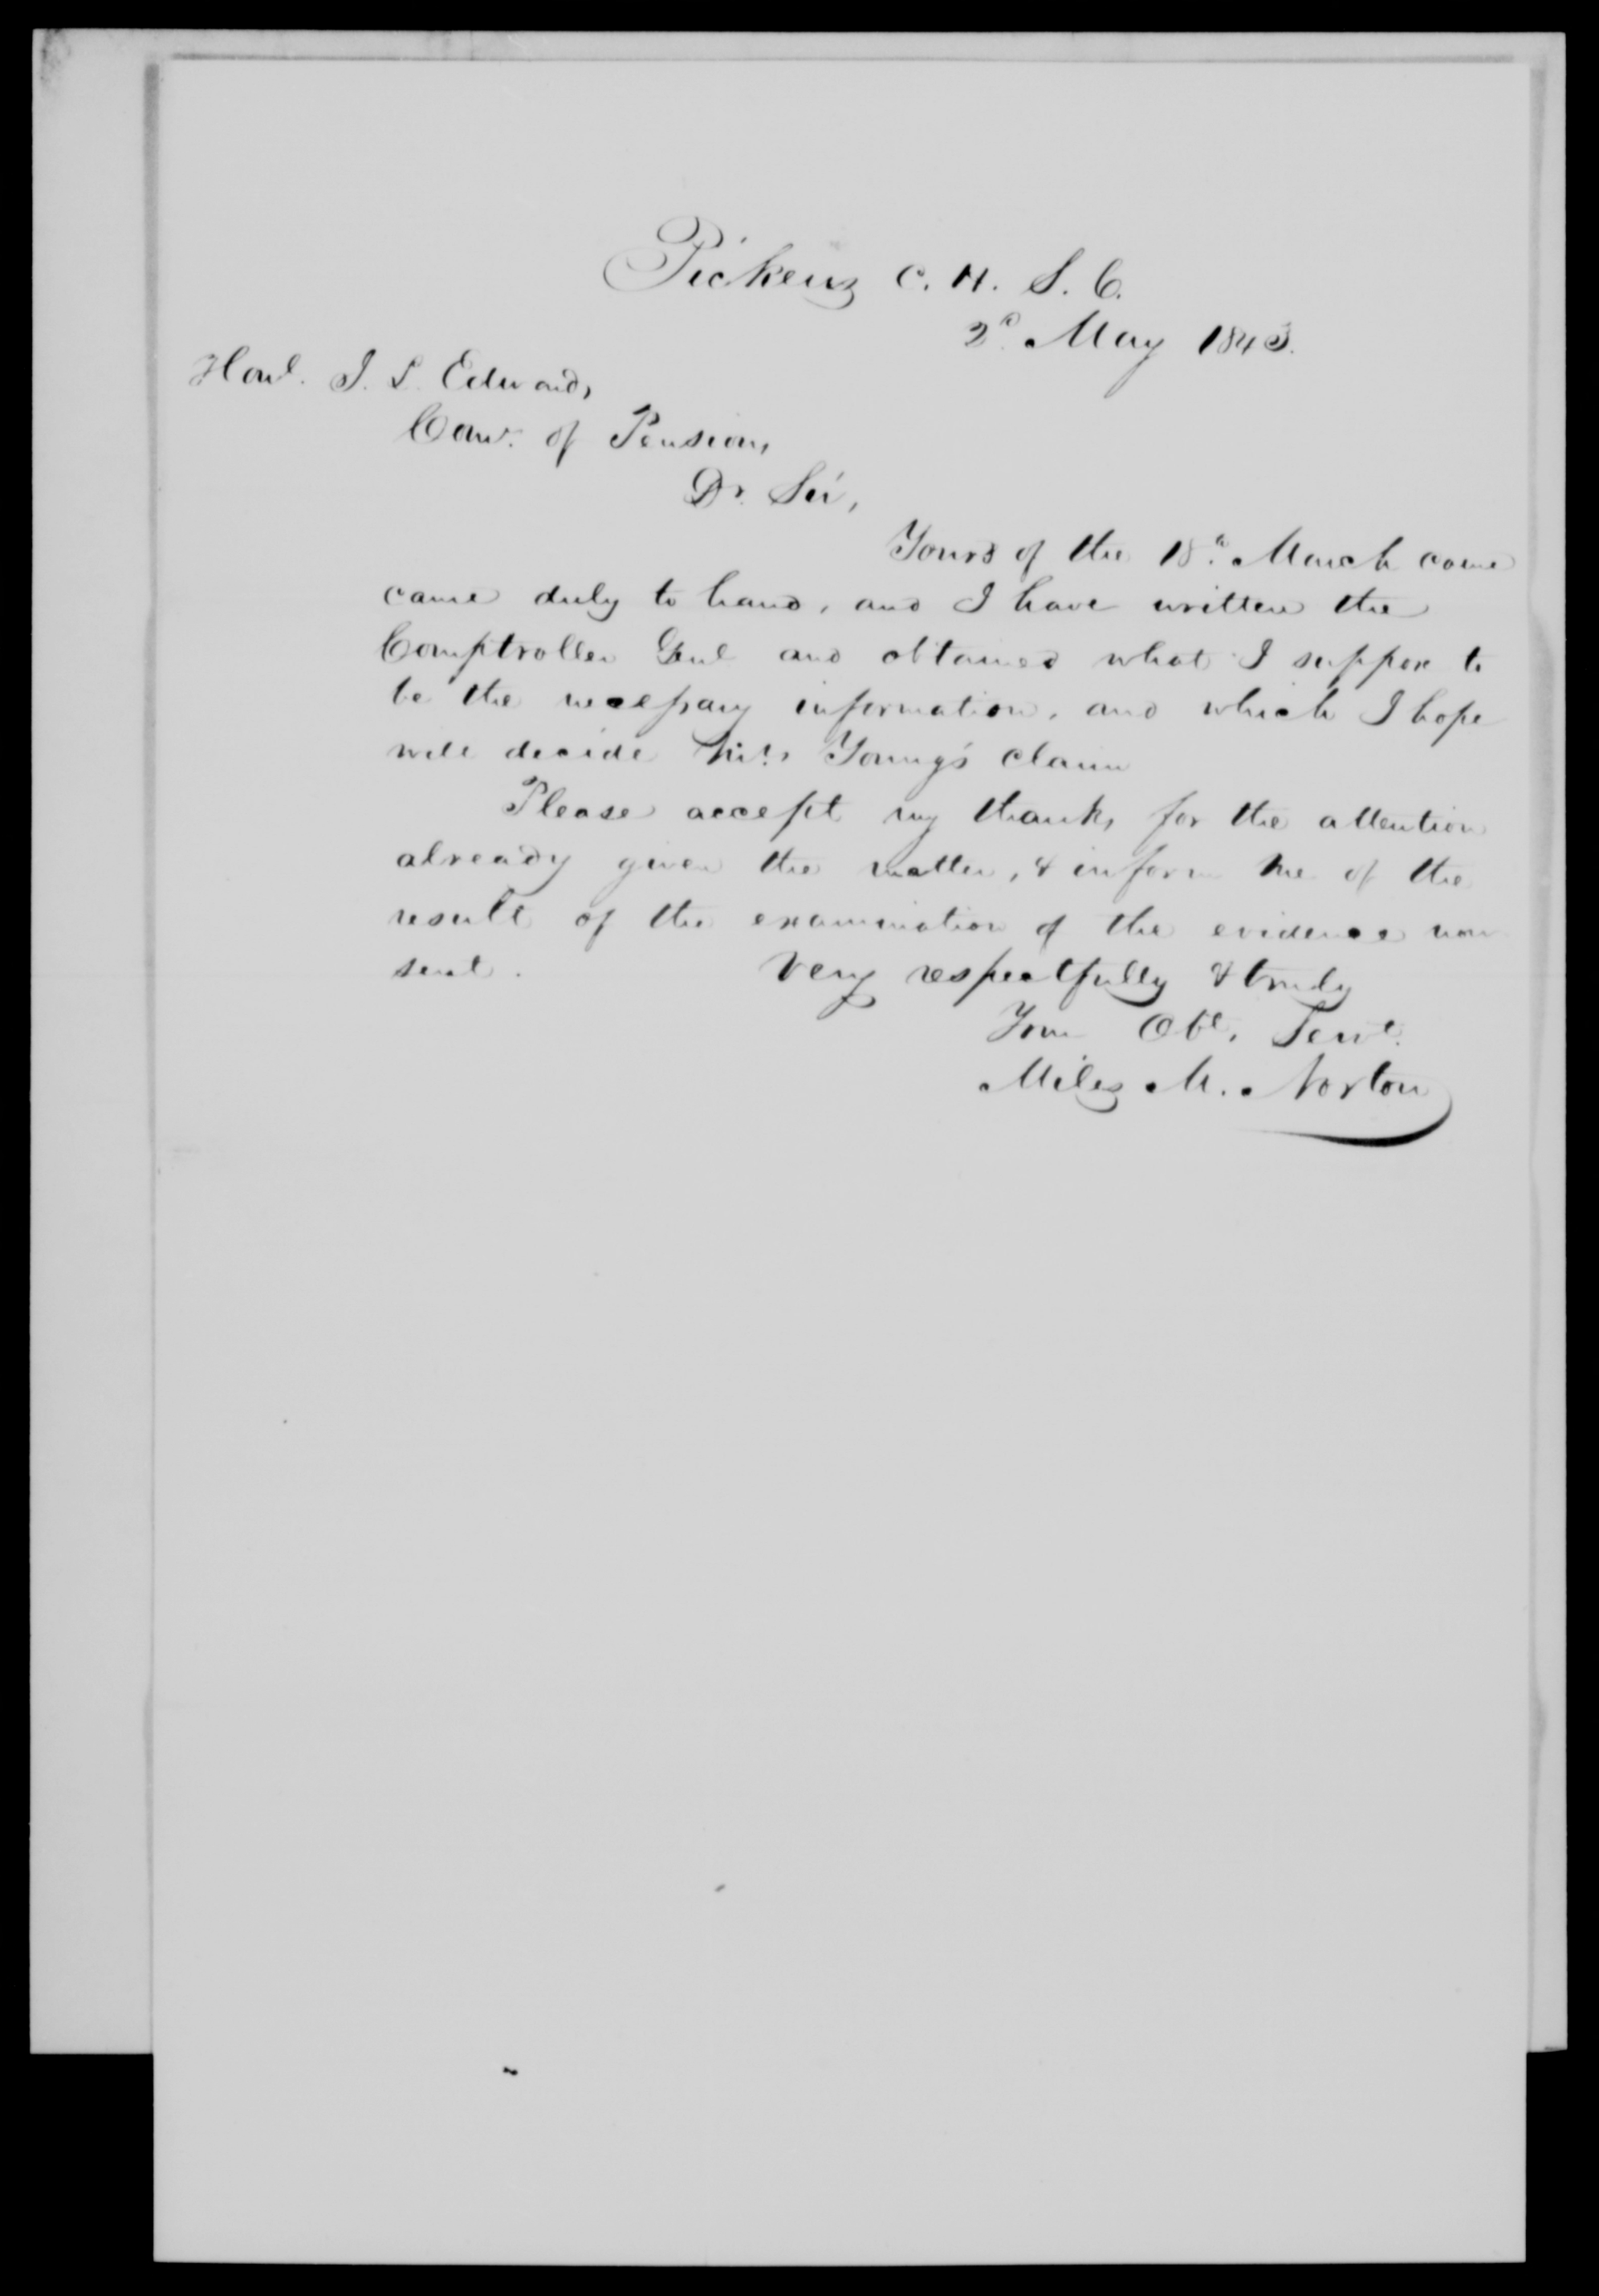Pickens C. H. S. C. [Court House South Carolina]
2d May 1843

Honl. [Honorable] J. [James] L. Edwards
Com. [Commissioner] of Pensions
Dear Sir,
     Yours of the 18th March come
came duly to hand, had I have written the
Comptroller Genl [General] and obtained what I suppose to
be the necessary information, and which I hope
will decide Mrs. Young's claim.
     Please accept my thanks for the attention
already given the matter, + inform me of the
result of the examination of the evidence now
sent.   Very respectfully + truly
Your Obt. Servt. [Obedient Servant]
Miles M. Norton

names: Young, J L Edwards, Miles M Norton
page: 50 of 56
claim: widow's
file: W. 9040, Levi Young, Ga. New Jersey S.C.